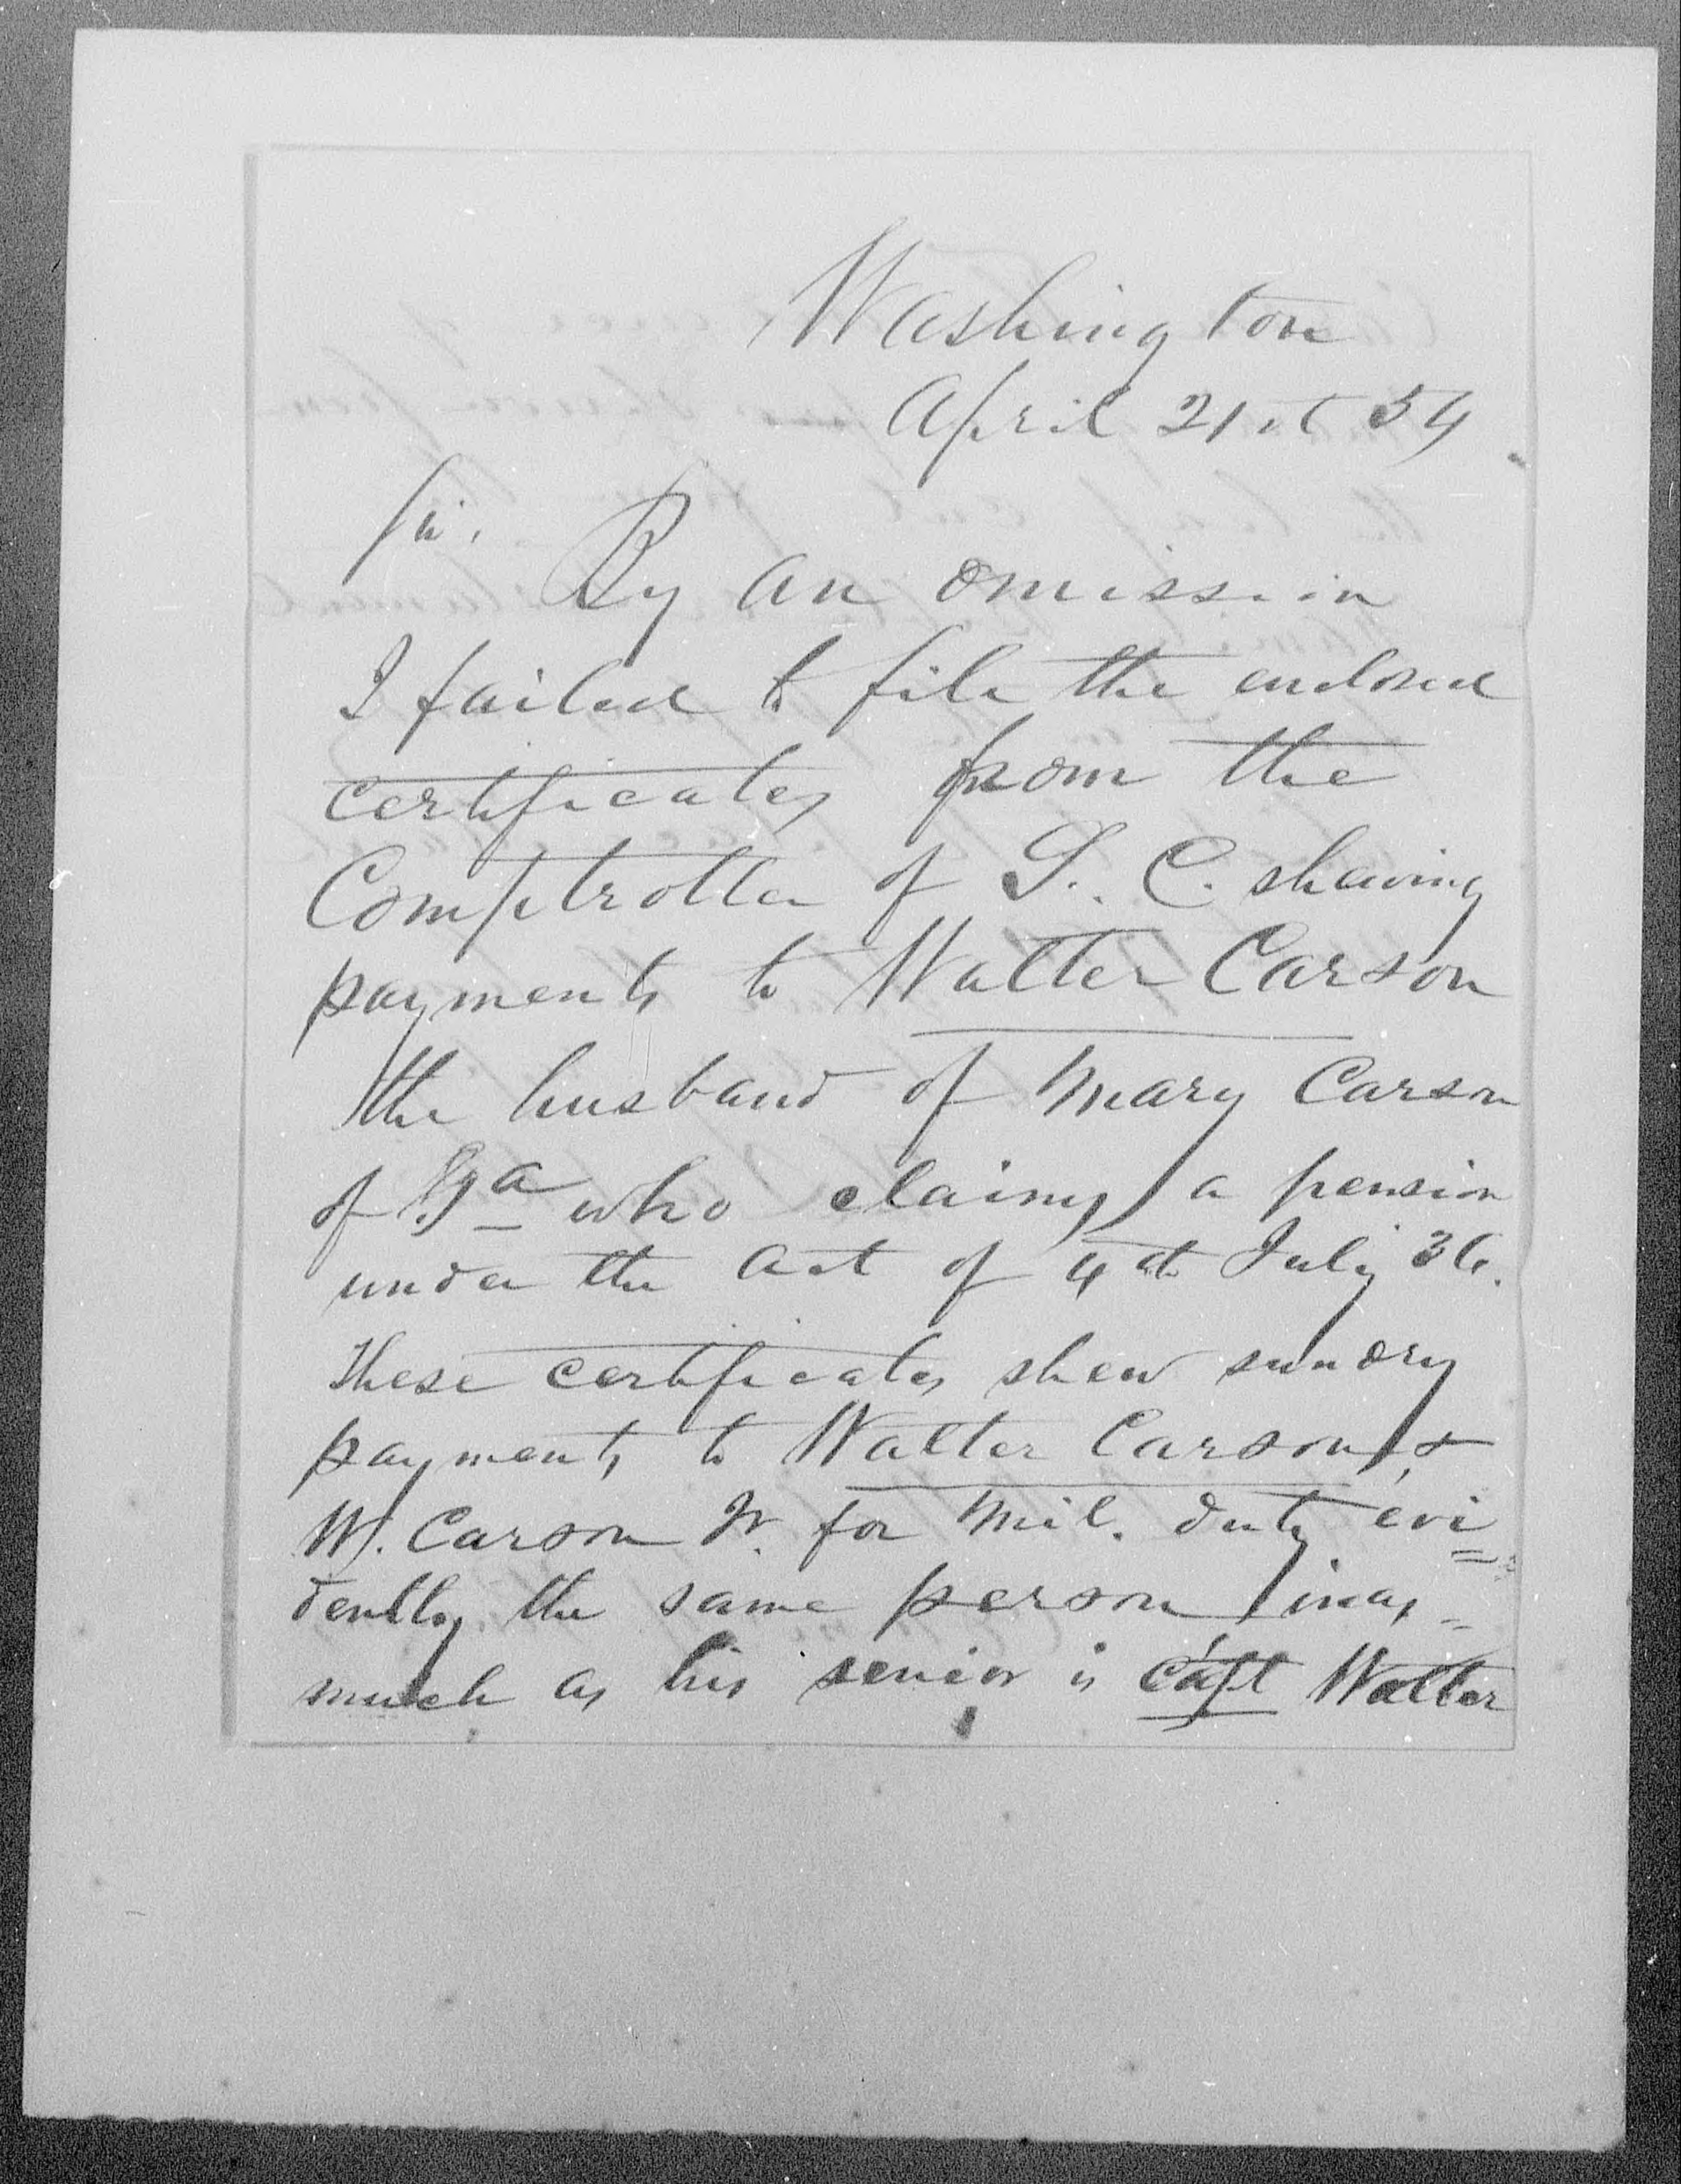Washington
April 21st 54
Sir,
By an omission I failed to file the enclosed certificates from the Comptroller of S.C. shewing payments to Walter Carson the husband of Mary Carson of Ga, who claims a pension under the Act of 4th July '36. These certificates shew sundry payments to Walter Carson & W. Carson Jr for Mil. duty evidently the same person inasmuch as his senior is Capt Walter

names: Walter Carson, Mary Carson, W Carson, Walter Carson, Walter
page: 29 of 34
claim: rejected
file: R. 1,738, Walter Carson, N.C. S.C.